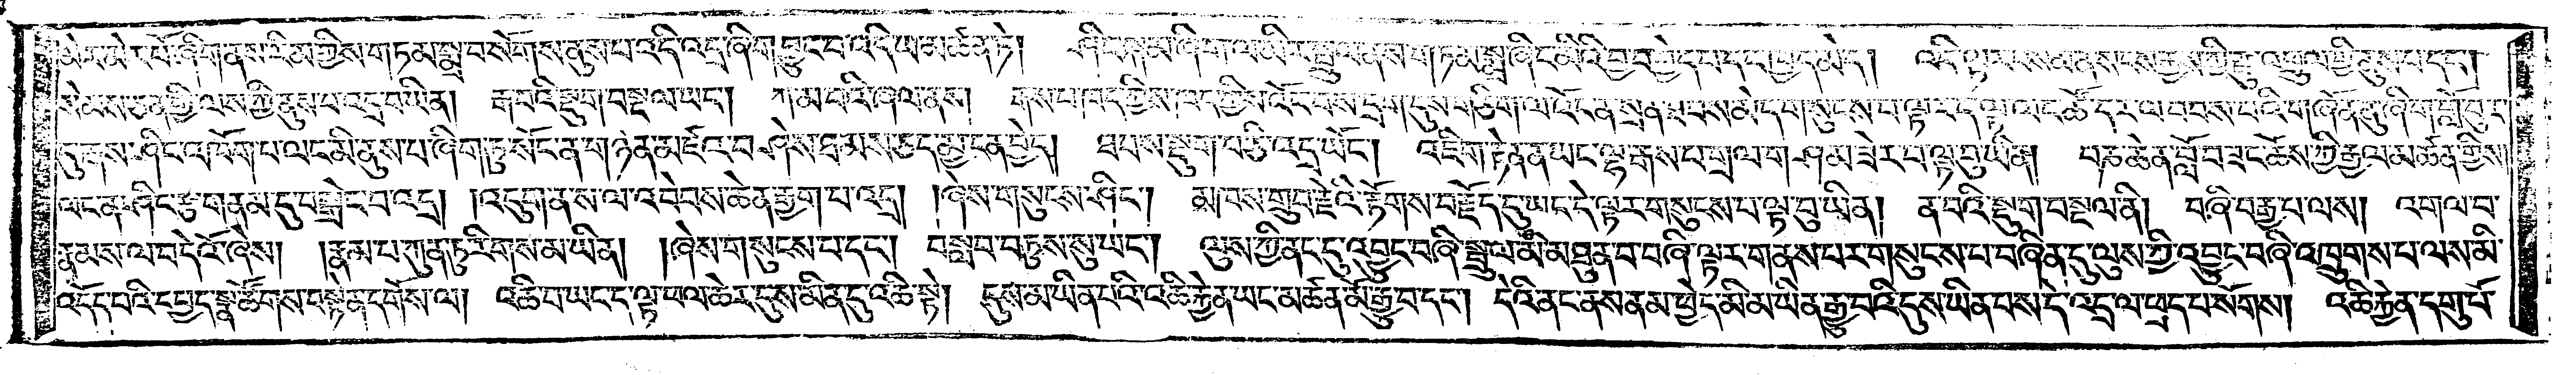མེར་མེར་པོ་ཞིག་ནས་རིམ་གྱིས་གཏམ་སྨྲ་བ་སོགས་ནུས་པ་འདི་འདྲ་ཞིག་བྱུང་བ་འདི་ཡ་མཚན་ཏེ། ཤིང་སྐམ་ཞིག་ལ་མིར་སྤྲུལ་ནས་གཏམ་སྨྲ་ཞིང་མིའི་བྱ་བ་བྱེད་པ་དང་ཁྱད་མེད། འདི་ལྟར་བསམ་ནས་སངས་རྒྱས་ཀྱི་རྫུ་འཕྲུལ་གྱི་ནུས་པ་དང་།
སེམས་ཅན་གྱི་ལས་ཀྱི་ནུས་པ་འདྲ་བ་ཡིན། རྒ་བའི་སྡུག་བསྔལ་ཡང་། ཀམ་བའི་ཞལ་ནས། རྒས་པ་ཁད་ཀྱིས་ཁས་ཀྱིས་འོང་བས་དྲག་དུས་གཅིག་ལ་འོང་ན་སྲན་ཐབས་མེད་གསུངས་པ་ལྟར་ད་ལྟ་ལང་ཚོ་དར་ལ་བབས་པའི་གཞོན་ནུ་ཞིག་གློ་བུར་
དུ་རྒས་ཤིང་འཁོག་པ་ལང་མི་ནུས་པ་ཞིག་ཏུ་སོང་ན་གཉན་མཛའ་བཤེས་ཐམས་ཅད་མྱ་ངན་བྱེད། ཐབས་སྡུག་པ་ཅི་འདྲ་ཡོང་། འཇིག་རྟེན་ན་ཡང་ལྷ་རྒས་པ་གྲལ་གཤམ་ཟེར་བ་ལྟ་བུ་ཡིན། པཎ་ཆེན་བློ་བཟང་ཆོས་ཀྱི་རྒྱལ་མཚན་གྱིས་
ལང་ན་ཤིང་རྩ་གནམ་དུ་བསྒྲེང་བ་འདྲ། །འདུག་ནས་ལ་འབེབས་ཆེན་རྒྱག་པ་འདྲ། །ཞེས་གསུངས་ཤིང་། མཁས་གྲུབ་རྗེའི་རྟོགས་བརྗོད་དུ་ཡང་དེ་ལྟར་གསུངས་པ་ལྟ་བུ་ཡིན། ན་བའི་སྡུག་བསྔལ་ནི། བཞི་བརྒྱ་པ་ལས། འགལ་བ་
རྣམས་ལ་བདེའོ་ཞེས། །རྣམ་པ་ཀུན་ཏུ་རིགས་མ་ཡིན། །ཞེས་གསུངས་པ་དང་། བསླབ་བཏུས་སུ་ཡང་། ལུས་ཀྱི་ནང་དུ་འབྱུང་བཞི་སྤྲུལ་འབྱུང་བཞི་འཁྲུགས་པ་ལས་མི་འདོད་པའི་དཔྱད་སྣ་ཚོགས་བསྟེན་འབྱུང་བཞི་འཁྲུགས་པ་ལས་མི་
འདོད་པའི་དཔྱད་སྣ་ཚོགས་བསྟེན་དགོས་ལ། འཆི་བ་ཡང་ད་ལྟ་ཕལ་ཆེར་དུས་མིན་དུ་འཆི་སྟེ། དུས་མ་ཡིན་པའི་འཆི་རྐྱེན་ཡང་མཚན་མོ་རྒྱུ་བ་དང་། དེའི་ནང་ནས་ནམ་ཕྱེད་མི་མ་ཡིན་རྒྱུ་བའི་དུས་ཡིན་པས་དེ་འདྲ་ལ་ཕྲད་པ་སོགས། འཆི་རྐྱེན་དགུ་པོ་